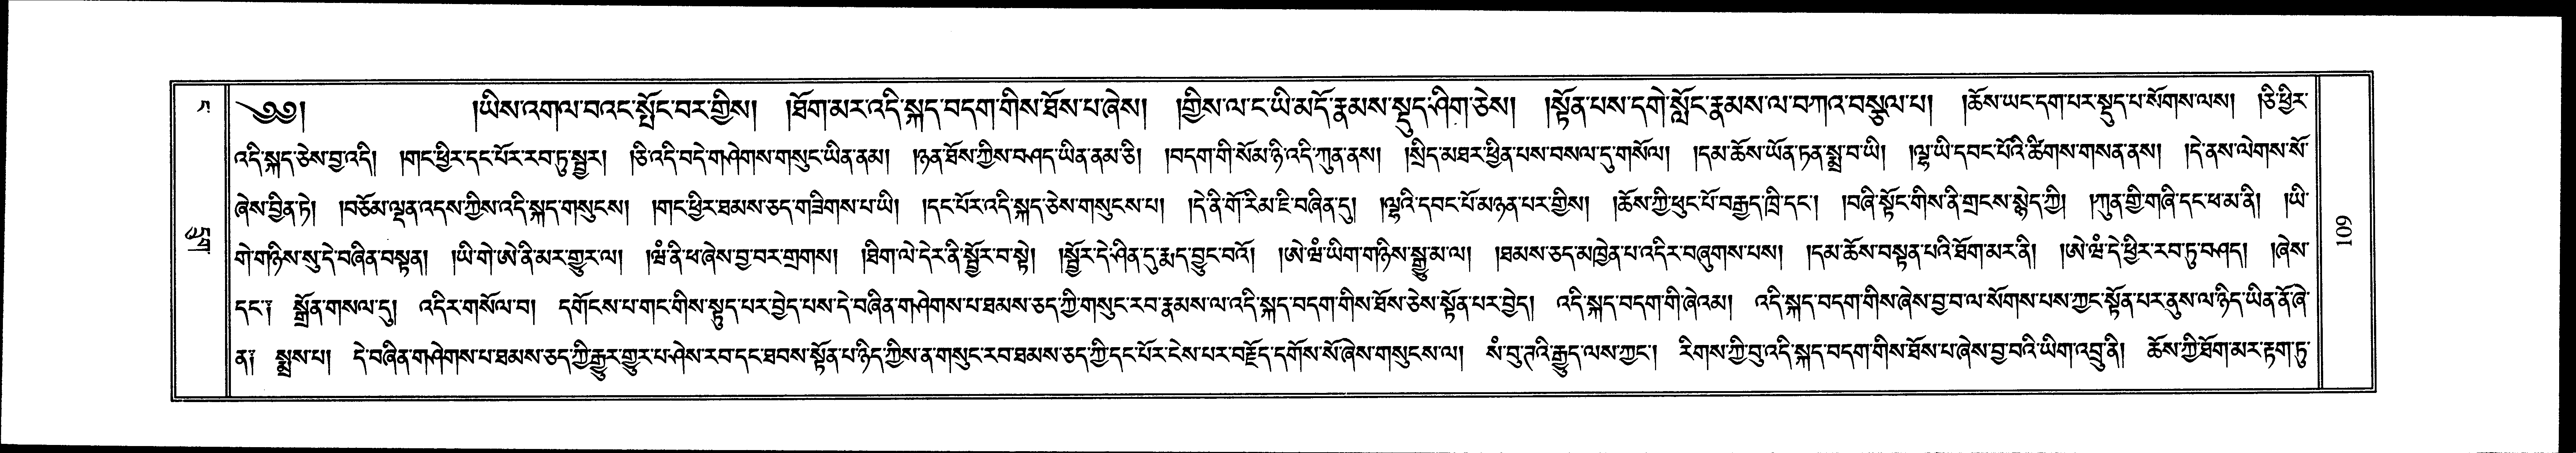༄༅། །ཡིས་འགལ་བའང་སྤོང་བར་གྱིས། །ཐོག་མར་འདི་སྐད་བདག་གིས་ཐོས་པ་ཞེས། །གྱིས་ལ་ང་ཡི་མདོ་རྣམས་སྡུད་ཤིག་ཅེས། །སྟོན་པས་དགེ་སློང་རྣམས་ལ་བཀའ་བསྩལ་པ། །ཆོས་ཡང་དག་པར་སྡུད་པ་སོགས་ལས། །ཅི་ཕྱིར་
འདི་སྐད་ཅེས་བྱ་འདི། །གང་ཕྱིར་དང་པོར་རབ་ཏུ་སྦྱར། །ཅི་འདི་བདེ་གཤེགས་གསུངས་ཡིན་ནམ། །ཉན་ཐོས་ཀྱིས་བཤད་ཡིན་ནམ་ཅི། །བདག་གི་སོམ་ཉི་འདི་ཀུན་ནས། །སྲིད་མཐར་ཕྱིན་པས་བསལ་དུ་གསོལ། །དམ་ཆོས་ཡོན་ཏན་སྨྲ་བ་ཡི། །ལྷ་ཡི་དབང་པོའི་ཚིགས་གསན་ནས། །དེ་ནས་ལེགས་སོ་
ཞེས་བྱིན་ཏེ། །བཅོམ་ལྡན་འདས་ཀྱིས་འདི་སྐད་གསུངས། །གང་ཕྱིར་ཐམས་ཅད་གཟིགས་པ་ཡི། །དང་པོར་འདི་སྐད་ཅེས་གསུངས་པ། །དེ་ནི་གོ་རིམ་ཇི་བཞིན་དུ། །ལྷའི་དབང་པོ་མཉན་པར་གྱིས། །ཆོས་ཀྱི་ཕུང་པོ་བརྒྱད་ཁྲི་དང་། །བཞི་སྟོང་གིས་ནི་གྲངས་སྙེད་ཀྱི། །ཀུན་གྱི་གཞི་དང་ཕ་མ་ནི། །ཡི་
གེ་གཉིས་སུ་དེ་བཞིན་བསྟན། །ཡི་གེ་ཨེ་ནི་མར་གྱུར་ལ། །ཝཾ་ནི་ཕ་ཞེས་བྱ་བར་གྲགས། །ཐིག་ལེ་དེར་ནི་སྦྱོར་བ་སྟེ། །སྦྱོར་དེ་ཤིན་དུ་རྨད་བྱུང་བའོ། །ཨེ་ཝཾ་ཡིག་གཉིས་སྒྱུ་མ་ལ། །ཐམས་ཅད་མཁྱེན་པ་འདིར་བཞུགས་པས། །དམ་ཆོས་བསྟན་པའི་ཐོག་མར་ནི། །ཨེ་ཝཾ་དེ་ཕྱིར་རབ་ཏུ་བཤད། །ཞེས་
དང་། སྒྲོན་གསལ་དུ། འདིར་གསོལ་བ། དགོངས་པ་གང་གིས་སྟུད་པར་བྱེད་པས་དེ་བཞིན་གཤེགས་པ་ཐམས་ཅད་ཀྱི་གསུང་རབ་རྣམས་ལ་འདི་སྐད་བདག་གིས་ཐོས་ཅེས་སྟོན་པར་བྱེད། །འདི་སྐད་བདག་གི་ཞེའམ། འདི་སྐད་བདག་གིས་ཞེས་བྱ་བ་ལ་སོགས་པས་ཀྱང་སྟོན་པར་ནུས་ལ་ཉིད་ཡིན་ནོ་ཞེ་
ན། སྨྲས་པ། དེ་བཞིན་གཤེགས་པ་ཐམས་ཅད་ཀྱི་རྒྱུར་གྱུར་པ་ཤེས་རབ་དང་ཐབས་སྟོན་པ་ཉིད་ཀྱིས་ན་གསུང་རབ་ཐམས་ཅད་ཀྱི་དང་པོར་ངེས་པར་བརྗོད་དགོས་སོ་ཞེས་གསུངས་ལ། སཾ་བུ་ཊའི་རྒྱུད་ལས་ཀྱང་། རིགས་ཀྱི་བུ་འདི་སྐད་བདག་གིས་ཐོས་པ་ཞེས་བྱ་བའི་ཡིག་འབྲུ་ནི། ཆོས་ཀྱི་ཐོག་མར་རྟག་ཏུ་